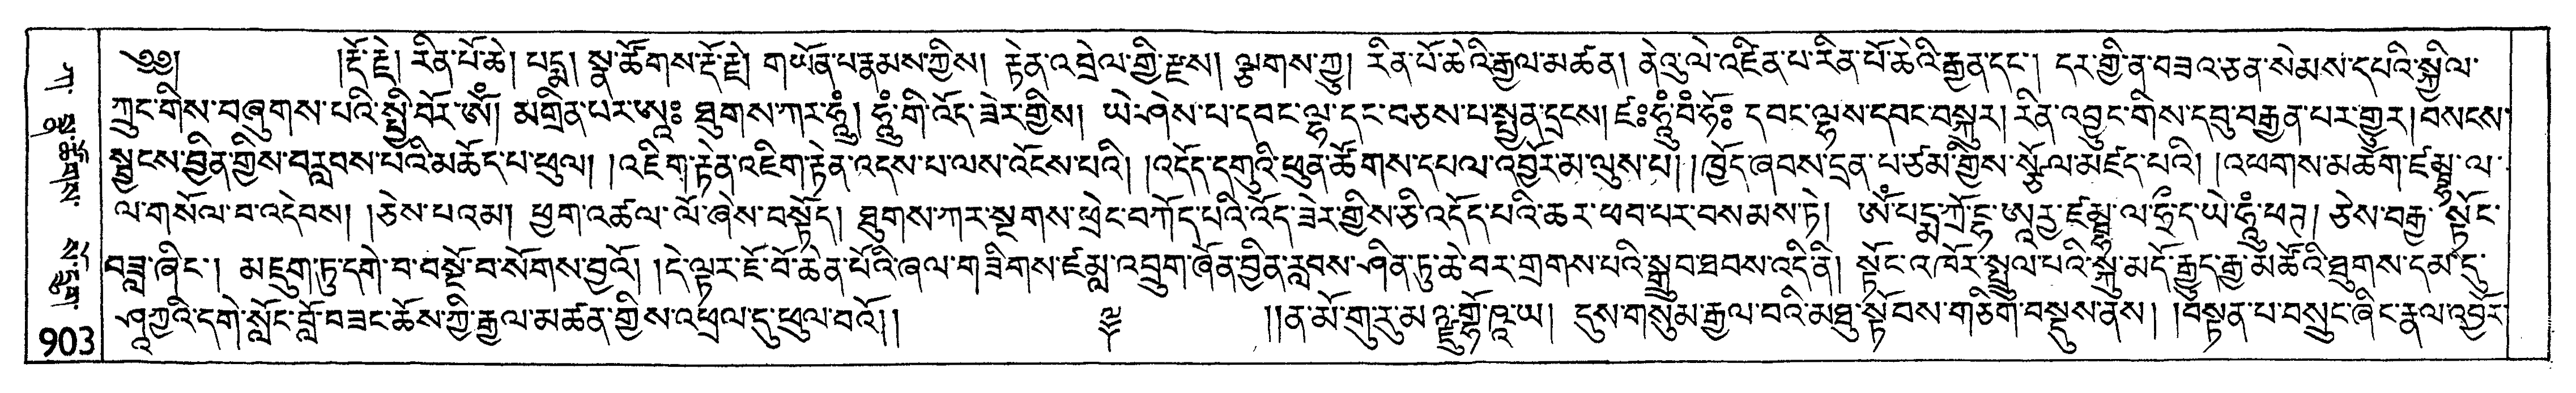༄༅། །རྡོ་རྗེ། རིན་པོ་ཆེ། པདམ། སྣ་ཚོགས་རྡོ་རྗེ། གཡོན་པ་རྣམས་ཀྱིས། རྟེན་འབྲེལ་གྱི་རྫས། ལྕགས་ཀྱུ། རིན་པོ་ཆེའི་རྒྱལ་མཚན། ནེའུ་ལེ་འཛིན་པ་རིན་པོ་ཆེའི་རྒྱན་དང་། དར་གྱི་ན་བཟའ་ཅན་སེམས་དཔའི་སྐྱིལ་
ཀྲུང་གིས་བཞུགས་པའི་སྤྱི་བོར་ཨོཾ། མགྲིན་པར་ཨཱཿ ཐུགས་ཀར་ཧཱུཾ། ཧཱུཾ་གི་འོད་ཟེར་གྱིས། ཡེ་ཤེས་པ་དབང་ལྷ་དང་བཅས་པ་སྤྱན་དྲངས། ཛཿ ཧཱུཾ་བཾ་ཧོཿ དབང་ལྷས་དབང་བསྐུར། རིན་འབྱུང་གིས་དབུ་བརྒྱན་པར་གྱུར། བསངས་
སྦྱངས་བྱིན་གྱིས་བརླབས་པའི་མཆོད་པ་ཕུལ། །འཇིག་རྟེན་འཇིག་རྟེན་འདས་པ་ལས་འོངས་པའི། །འདོད་དགུའི་ཕུན་ཚོགས་དཔལ་འབྱོར་མ་ལུས་པ། །ཁྱོད་ཞབས་དྲན་པ་ཙམ་གྱིས་སྩོལ་མཛད་པའི། །འཕགས་མཆོག་ཛམྦྷ་ལ་
ལ་གསོལ་བ་འདེབས། །ཅེས་པའམ། ཕྱག་འཚལ་ལོ་ཞེས་བསྟོད། ཐུགས་ཀར་སྔགས་ཕྲེང་བཀོད་པའི་འོད་ཟེར་གྱིས་ཅི་འདོད་པའི་ཆར་ཕབ་པར་བསམས་ཏེ། ཨོཾ་པདམ་ཀྲོ་དྷ་ཨཱརྱ་ཛམྦྷ་ལ་ཧྲྀ་ད་ཡེ་ཧཱུཾ་ཕཊ། ཅེས་བརྒྱ་སྟོང་
བཟླ་ཞིང་། མཇུག་ཏུ་དགེ་བ་བསྔོ་བ་སོགས་བྱའོ། །དེ་ལྟར་ཇོ་བོ་ཆེན་པོའི་ཞལ་གཟིགས་ཛམླ་འབྲུག་ཞོན་བྱིན་རླབས་ཤིན་ཏུ་ཆེ་བར་གྲགས་པའི་སྒྲུབ་ཐབས་འདི་ནི། སྟོང་འཁོར་སྤྲུལ་པའི་སྐུ་མདོ་རྒྱུད་རྒྱ་མཚོའི་ཐུགས་དམ་དུ་
ཤཱཀྱའི་དགེ་སློང་བློ་བཟང་ཆོས་ཀྱི་རྒྱལ་མཚན་གྱིས་འཕྲལ་དུ་ཕུལ་བའོ།། ༈ །།ན་མོ་གུ་རུ་མཉྫུ་གྷོ་ཥཱ་ཡ། དུས་གསུམ་རྒྱལ་བའི་མཐུ་སྟོབས་གཅིག་བསྡུས་ནས། །བསྟན་པ་བསྲུང་ཞིང་རྣལ་འབྱོར་